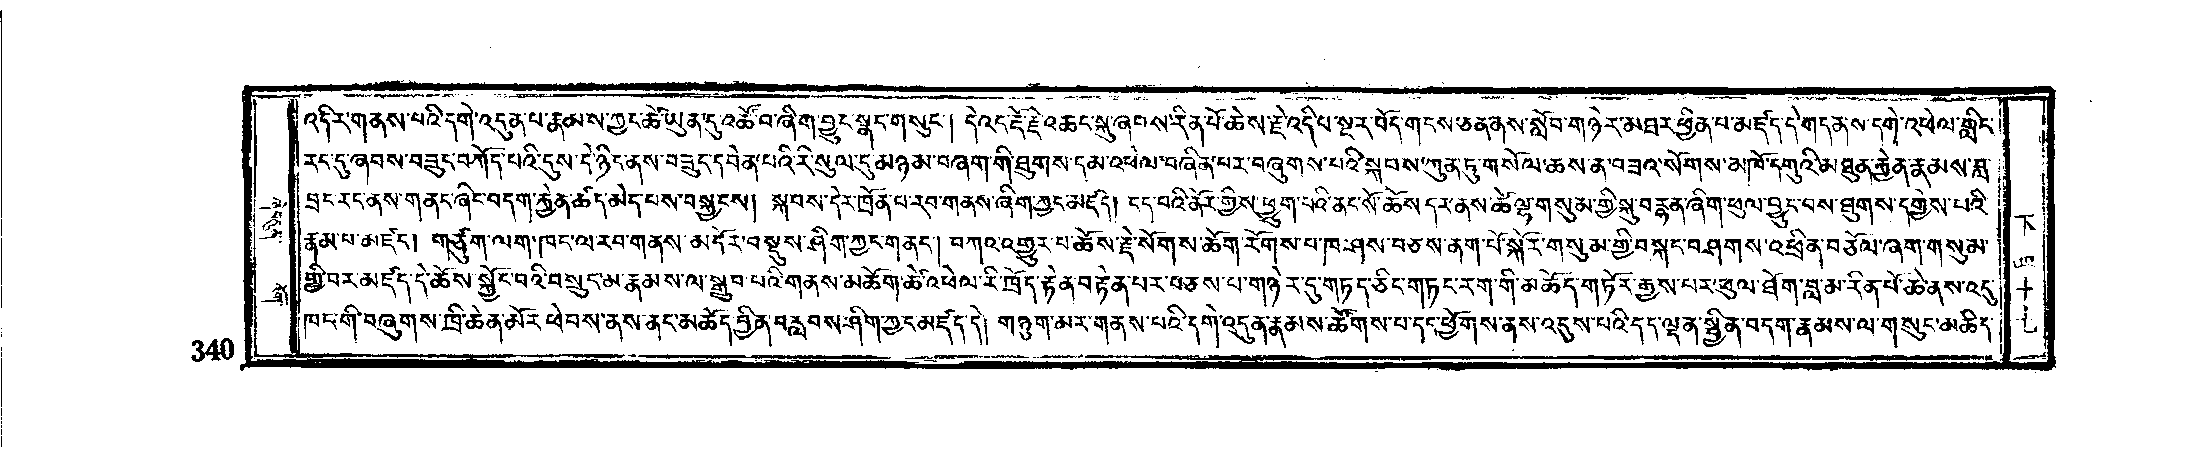འདིར་གནས་པའི་དགེ་འདུན་པ་རྣམས་ཀྱང་ཚེ་ཡུན་དུ་འཚོ་བ་ཞིག་བྱུང་སྣང་གསུང་། དེའང་རྡོ་རྗེ་འཆང་སྐུ་ཞབས་རིན་པོ་ཆེས་རྗེ་འདི་པ་སྔར་བོད་གངས་ཅན་ནས་སློབ་གཉེར་མཐར་ཕྱིན་པ་མཛད་དེ་གདན་ས་དགེ་འཕེལ་གླིང་
རང་དུ་ཞབས་བཟུང་བཀོད་པའི་དུས་དེ་ཉིད་ནས་བཟུང་དབེན་པའི་རི་སུལ་དུ་མཉམ་བཞག་གི་ཐུགས་དམ་འཕེལ་བཞིན་པར་བཞུགས་པའི་སྐབས་ཀུན་ཏུ་གསོལ་ཆས་ན་བཟའ་སོགས་མཁོ་དགུའི་མཐུན་རྐྱེན་རྣམས་བླ་
བྲང་རང་ནས་གནང་ཞིང་བདག་རྐྱེན་ཚད་མེད་པས་བསྐྱངས། སྐབས་དེར་ཁྲོན་པ་རབ་གནས་ཞིག་ཀྱང་མཛད། དད་པའི་ནོར་གྱིས་ཕྱུག་པའི་ནང་སོ་ཆོས་དར་ནས་ཚེ་ལྷ་གསུམ་གྱི་སྐུ་བརྙན་ཞིག་ཕུལ་བྱུང་བས་ཐུགས་དགྱེས་པའི་
རྣམ་པ་མཛད། གཙུག་ལག་ཁང་ལ་རབ་གནས་མདོར་བསྡུས་ཤིག་ཀྱང་གནང་། བཀའ་འགྱུར་པ་ཆོས་རྗེ་སོགས་ཆོག་རོགས་པ་ཁ་ཤས་བཅས་ནག་པོ་སྐོར་གསུམ་གྱི་བསྐང་བཤགས་འཕྲིན་བཅོལ་ཞག་གསུམ་
གྱི་བར་མཛད་དེ་ཆོས་སྐྱོང་བའི་བསྲུང་མ་རྣམས་ལ་སྒྲུབ་པའི་གནས་མཆོག་ཚེ་འཕེལ་རི་ཁྲོད་རྟེན་བརྟེན་པར་བཅས་པ་གཉེར་དུ་གཏད་ཅིང་གཏང་རག་གི་མཆོད་གཏོར་རྒྱས་པར་ཕུལ་ཐོག་བླ་མ་རིན་པོ་ཆེ་ནས་འདུ་
ཁང་གི་བཞུགས་ཁྲི་ཆེན་མོར་ཕེབས་ནས་ནང་མཆོད་བྱིན་བརླབས་ཤིག་ཀྱང་མཛད་དེ། གཉུག་མར་གནས་པའི་དགེ་འདུན་རྣམས་ཚོགས་པ་དང་ཕྱོགས་ནས་འདུས་པའི་དད་ལྡན་སྦྱིན་བདག་རྣམས་ལ་གསུང་མཆིད་